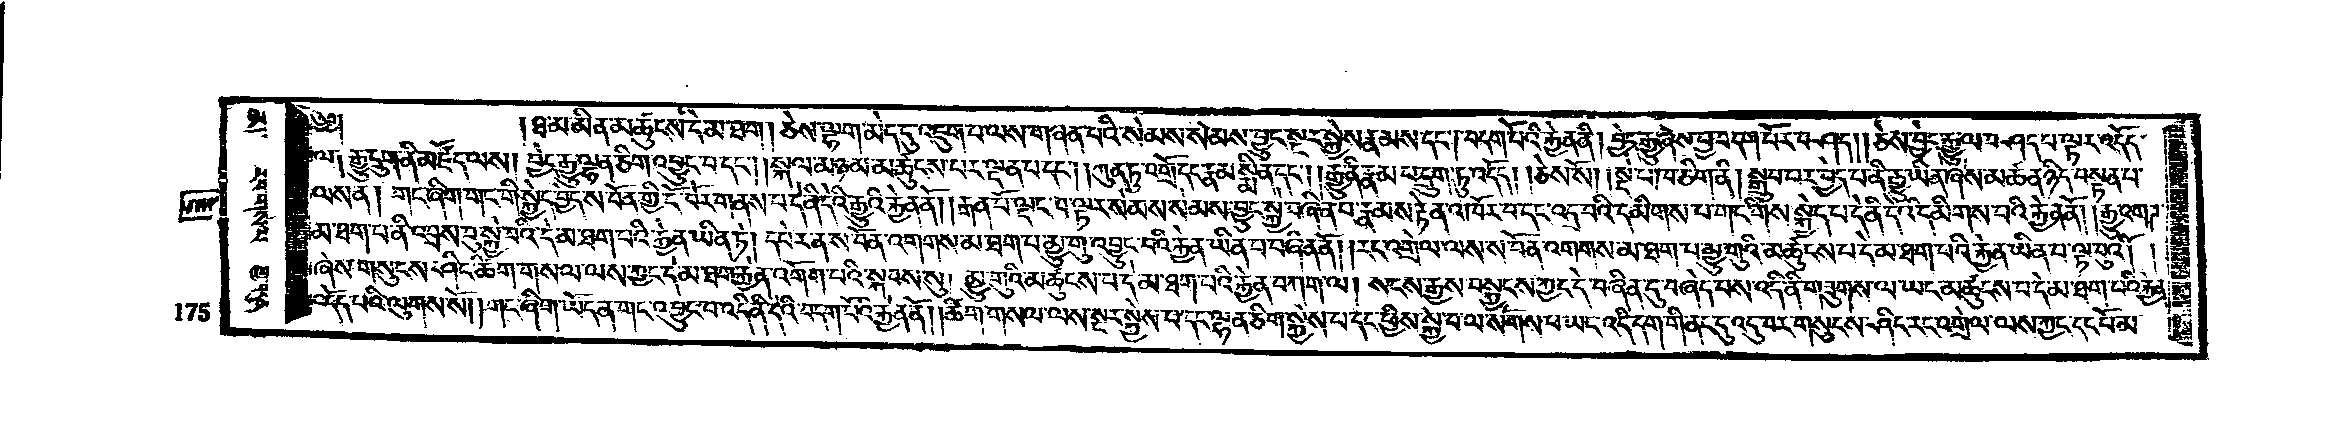༄༅། །ཐ་མ་མིན་མཚུངས་དེ་མ་ཐག །ཅེས་ལྷག་མེད་དུ་འཇུག་པ་ལས་གཞན་པའི་སེམས་སེམས་བྱུང་སྔར་སྐྱེས་རྣམས་དང་། བདག་པོའི་རྐྱེན་ནི། བྱེད་རྒྱུ་ཞེས་བྱ་བདག་པོར་བཤད། །ཅེས་བྱེད་རྒྱུ་ལ་བཤད་པ་ལྟར་འདོད་
ལ། རྒྱུ་དྲུག་ནི་མཛོད་ལས། བྱེད་རྒྱུ་ལྷན་ཅིག་འབྱུང་བ་དང་། །སྐལ་མཉམ་མཚུངས་པར་ལྡན་པ་དང་། །ཀུན་ཏུ་འགྲོ་དང་རྣམ་སྨིན་དང་། །རྒྱུ་ནི་རྣམ་པ་དྲུག་ཏུ་འདོད། །ཅེས་སོ། །སྡེ་པ་ཁ་ཅིག་ནི། སྒྲུབ་པར་བྱེད་པ་ནི་རྒྱུ་ཡིན་ཞེས་མཚན་ཉིད་བསྟན་པ་
ལས་ནི། གང་ཞིག་གང་གི་སྐྱེད་བྱེད་ས་བོན་གྱི་ངོ་བོར་གནས་པ་དེ་ནི་དེའི་རྒྱུའི་རྐྱེན་ནོ། །རྒན་པོ་ལྡང་བ་ལྟར་སེམས་སེམས་བྱུང་སྐྱེ་བཞིན་པ་རྣམས་རྟེན་འཁར་བ་དང་འདྲ་བའི་དམིགས་པ་གང་གིས་སྐྱེད་པ་དེ་ནི་དེའི་དམིགས་པའི་རྐྱེན་ནོ། །རྒྱུ་འགགས་
མ་ཐག་པ་ནི་འབྲས་བུ་སྐྱེ་བའི་དེ་མ་ཐག་པའི་རྐྱེན་ཡིན་ཏེ། དཔེར་ན་ས་བོན་འགགས་མ་ཐག་པ་མྱུ་གུ་འབྱུང་བའི་རྐྱེན་ཡིན་པ་བཞིན་ནོ། །རང་འགྲེལ་ལས་ས་བོན་འགགས་མ་ཐག་པ་མྱུ་གུའི་མཚུངས་པ་དེ་མ་ཐག་པའི་རྐྱེན་ཡིན་པ་ལྟ་བུའོ། །
ཞེས་གསུངས་ཤིང་ཚིག་གསལ་ལས་ཀྱང་དེ་མ་ཐག་རྐྱེན་འགོག་པའི་སྐབས་སུ། མྱུ་གུའི་མཚུངས་པ་དེ་མ་ཐག་པའི་རྐྱེན་བཀག་ལ། སངས་རྒྱས་བསྐྱངས་ཀྱང་དེ་བཞིན་དུ་བཞེད་པས་འདི་ནི་གཟུགས་ལ་ཡང་མཚུངས་པ་དེ་མ་ཐག་པའི་རྐྱེན་
འདོད་པའི་ལུགས་སོ། །གང་ཞིག་ཡོད་ན་གང་འབྱུང་བ་འདི་ནི་དེའི་བདག་པོའི་རྐྱེན་ནོ། །ཚིག་གསལ་ལས་སྔར་སྐྱེས་པ་དང་ལྷན་ཅིག་སྐྱེས་པ་དང་ཕྱིས་སྐྱེ་བ་ལ་སོགས་པ་ཡང་འདི་དག་གི་ནང་དུ་འདུ་བར་གསུངས་ཤིང་རང་འགྲེལ་ལས་ཀྱང་དང་པོ་མ་